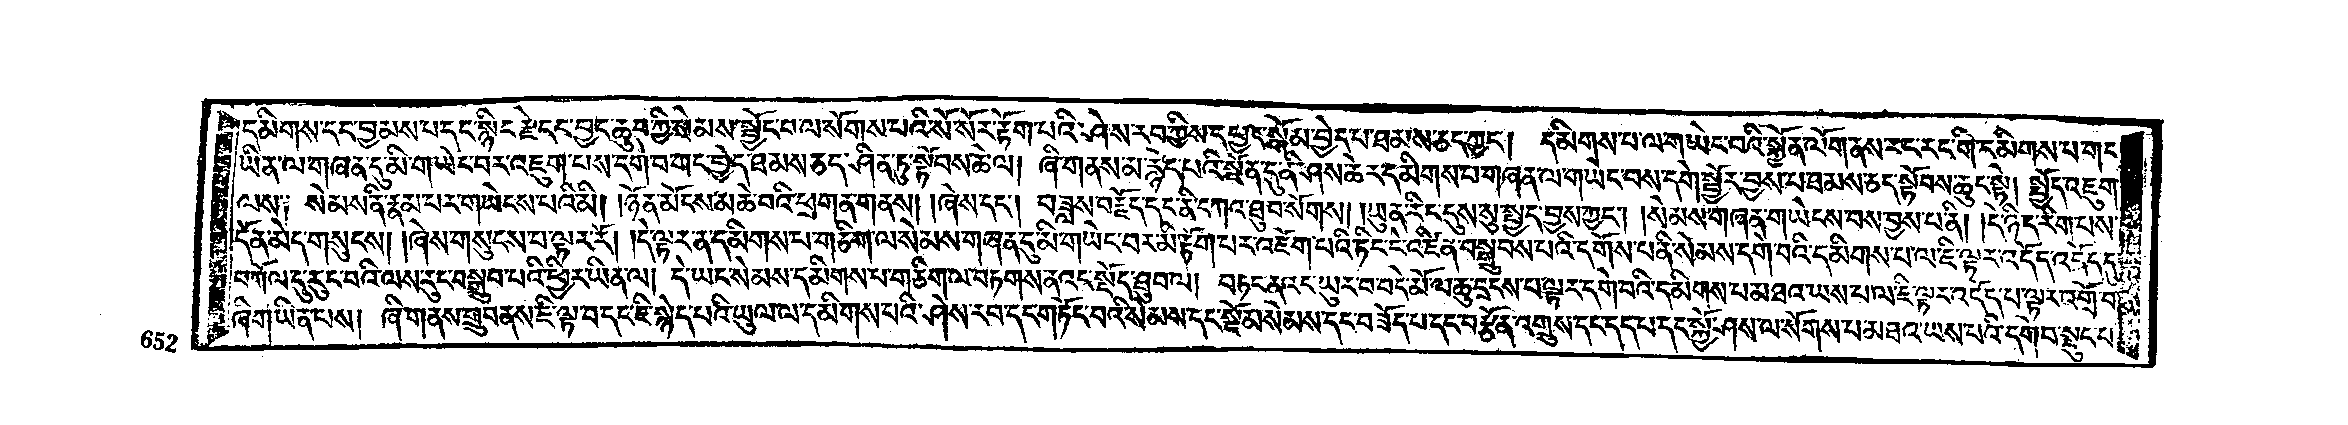དམིགས་དང་བྱམས་པ་དང་སྙིང་རྗེ་དང་བྱང་ཆུབ་ཀྱི་སེམས་སྦྱོང་བ་ལ་སོགས་པའི་སོ་སོར་རྟོག་པའི་ཤེས་རབ་ཀྱིས་དཔྱད་སྒོམ་བྱེད་པ་ཐམས་ཅད་ཀྱང་། དམིགས་པ་ལ་གཡེང་བའི་སྐྱོན་ལོག་ནས་རང་རང་གི་དམིགས་པ་གང་
ཡིན་ལ་གཞན་དུ་མི་གཡེང་བར་འཇུག་པས་དགེ་བ་གང་བྱེད་ཐམས་ཅད་ཤིན་ཏུ་སྟོབས་ཆེ་ལ། ཞི་གནས་མ་རྙེད་པའི་སྔོན་དུ་ནི་ཤས་ཆེར་དམིགས་པ་གཞན་ལ་གཡེང་བས་དགེ་སྦྱོར་བྱས་པ་ཐམས་ཅད་སྟོབས་ཆུང་སྟེ། སྤྱོད་འཇུག་
ལས༑ སེམས་ནི་རྣམ་པར་གཡེངས་པའི་མི། །ཉོན་མོངས་མཆེ་བའི་ཕྲག་ན་གནས། །ཞེས་དང་། བཟླས་བརྗོད་དང་ནི་དཀའ་ཐུབ་སོགས། །ཡུན་རིང་དུས་སུ་སྤྱད་བྱས་ཀྱང་། །སེམས་གཞན་གཡེངས་པས་བྱས་པ་ནི། །དེ་ཉིད་རིག་པས་
དོན་མེད་གསུངས། །ཞེས་གསུངས་པ་ལྟར་རོ། །དེ་ལྟར་ན་དམིགས་པ་གཅིག་ལ་སེམས་གཞན་དུ་མི་གཡེང་བར་མི་རྟོག་པར་འཇོག་པའི་ཏིང་ངེ་འཛིན་བསྒྲུབས་པའི་དགོས་པ་ནི་སེམས་དགེ་བའི་དམིགས་པ་ལ་ཇི་ལྟར་འདོད་འདོད་དུ་
བཀོལ་དུ་རུང་བའི་ལས་རུང་བསྒྲུབ་པའི་ཕྱིར་ཡིན་ལ། དེ་ཡང་སེམས་དམིགས་པ་གཅིག་ལ་བཏགས་ནའང་སྡོད་ཐུབ་ལ། བཏང་ནའང་ཡུར་བ་བདེ་མོ་ལ་ཆུ་དྲངས་པ་ལྟར་དགེ་བའི་དམིགས་པ་མཐའ་ཡས་པ་ལ་ཇི་ལྟར་འདོད་པ་ལྟར་འགྲོ་བ་
ཞིག་ཡིན་པས། ཞི་གནས་གྲུབ་ནས་ཇི་ལྟ་བ་དང་ཇི་སྙེད་པའི་ཡུལ་ལ་དམིགས་པའི་ཤེས་རབ་དང་གཏོང་བའི་སེམས་དང་སྡོམ་སེམས་དང་བཟོད་པ་དང་བརྩོན་འགྲུས་དང་དད་པ་དང་སྐྱོ་ཤས་ལ་སོགས་པ་མཐའ་ཡས་པའི་དགེ་བ་སྡུད་པ་